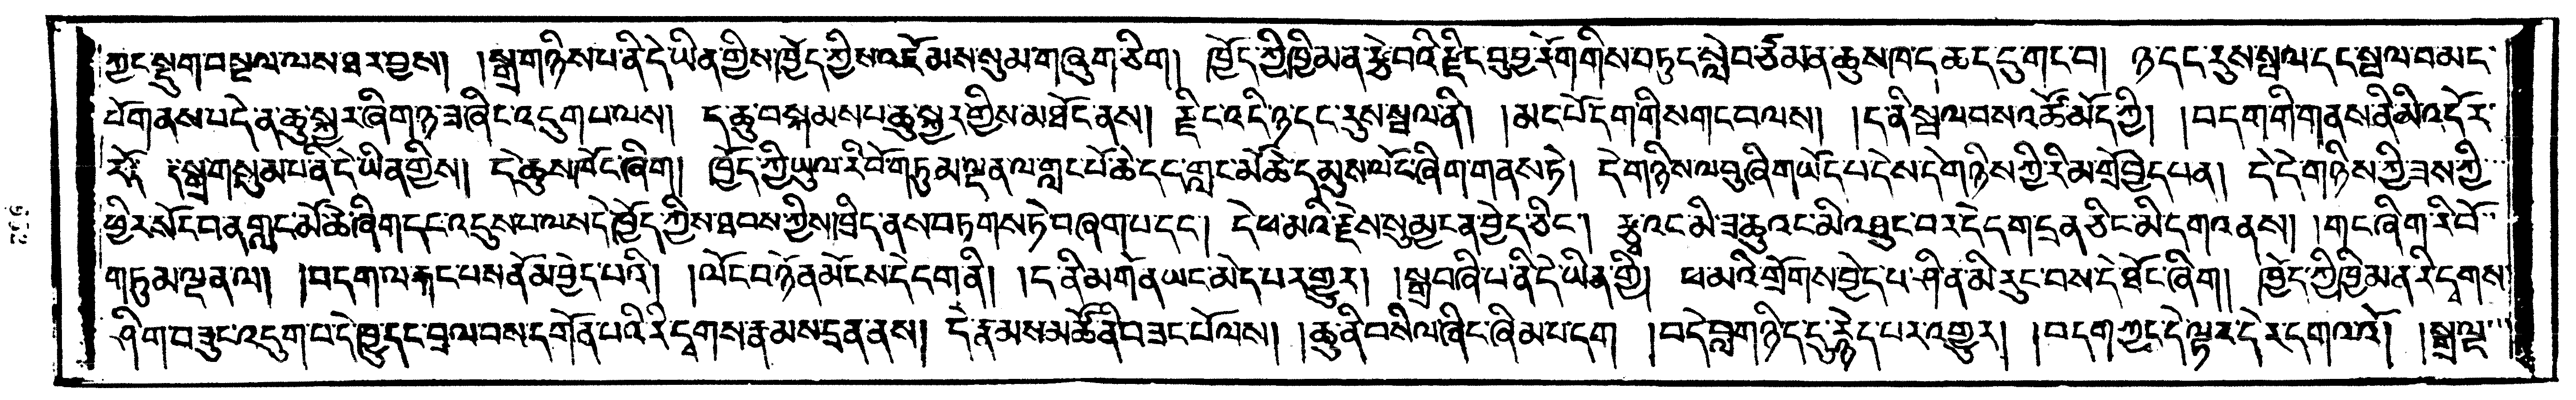ཀྱང་སྡུག་བསྔལ་ལས་ཐར་བྱས། །སྒྲ་གཉིས་པ་ནི་དེ་ཡིན་གྱིས་ཁྱོད་ཀྱིས་འཇོམས་སུམ་གཞུག་ཅིག། ཁྱོད་ཀྱི་ཁྱིམ་ན་རྩེ་བའི་རྫིང་བུ་བྱ་རོག་གིས་བཏུང་སླེབ་ཙམ་ན་ཆུས་ཁ་ད་ཆད་དུ་གང་བ། ཉ་དང་རུས་སྤལ་དང་སྦལ་བ་མང་
པོ་གནས་བདེ་ན་ཆུ་སྐྱར་ཞིག་ཉ་ཟ་ཞིང་འདུག་པ་ལས། ད་ཆུ་བསྐམས་པ་ཆུ་སྐྱར་གྱིས་མཐོང་ནས། རྫིང་འདི་ཉ་དང་རུས་སྦལ་ནི། །མང་པོ་དག་གིས་གང་བ་ལས། །ད་ནི་སྦལ་བས་འཚོ་མོད་ཀྱི། །བདག་གི་གནས་ནི་མི་འདོར་
རོ༑ ༑སྒྲ་གསུམ་པ་ནི་དེ་ཡིན་གྱིས། དེ་ཆུས་ཁོང་ཞིག། ཁྱོད་ཀྱི་ཡུལ་རི་བོ་གཏུམ་ལྡན་ལ་གླང་པོ་ཆེ་དད་གླང་མོ་ཆེ་དམུས་ལོང་ཞིག་གནས་ཏེ། དེ་གཉིས་ལ་བུ་ཞིག་ཡོད་པ་དེས་དེ་གཉིས་ཀྱི་རིམ་གྲོ་བྱེད་པ་ན། དེ་དེ་གཉིས་ཀྱི་ཟས་ཀྱི་
ཕྱིར་སོང་བ་ན་གླང་མོ་ཆེ་ཞིག་དང་འདུས་པ་ལས་དེ་ཁྱོད་ཀྱིས་ཐབས་ཀྱིས་ཁྲིད་ནས་བཏགས་ཏེ་བཞག་པ་དང་། དེ་ཕ་མའི་རྗེས་སུ་མྱ་ངན་བྱེད་ཅིང་། རྩྭ་འང་མི་ཟ་ཆུའང་མི་འཐུང་བར་དེ་དག་དྲན་ཅིང་མི་དགའ་ནས། །གང་ཞིག་རི་བོ་
གཏུམ་ལྡན་ལ། །བདག་ལ་རྐང་པས་ནོམ་བྱེད་པའི། །ལོང་བ་ཉོན་མོངས་དེ་དག་ནི། །ད་ནི་མགོན་ཡང་མེད་པར་གྱུར། །སྒྲ་བཞི་པ་ནི་དེ་ཡིན་གྱི། ཕ་མའི་གྲོགས་བྱེད་པ་ཤིན་མི་རུང་བས་དེ་ཐོང་ཞིག། ཁྱོད་ཀྱི་ཁྱིམ་ན་རི་དྭགས་
ཤིག་བཟུང་འདུག་པ་དེ་ཁྱུ་དང་བྲལ་བས་དགོན་པའི་རི་དྭགས་རྣམས་དྲན་ནས། དེ་རྣམས་མཚོ་ནི་བཟང་པོ་ལས། །ཆུ་ནི་བསིལ་ཞིང་ཞིམ་པ་དག །བདེ་བླག་ཉིད་དུ་རྙེད་པར་འགྱུར། །བདག་ཀྱང་དེ་ལྟར་དེར་དགའ་འོ། །སྒྲ་ལྔ་